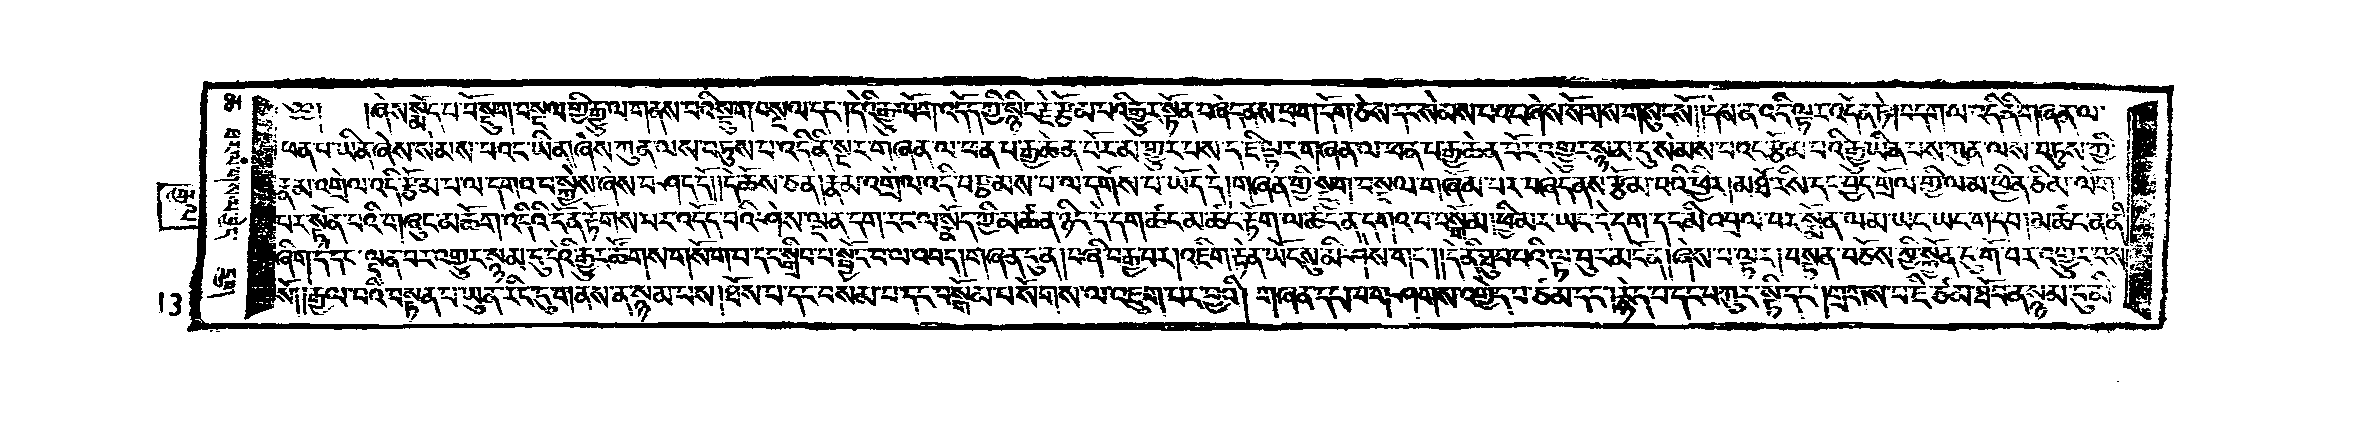༄༅། །ཞེས་སྨོད་པ་པོ་སྡུག་བསྔལ་གྱི་རྒྱུ་ལ་གནས་པའི་སྡུག་བསྔལ་དང་། དེའི་རྒྱུ་ལོག་འདོད་ཀྱི་སྙིང་རྗེ་རྩོམ་པའི་རྒྱུར་སྟོན་བཞེད་ནས་ཕྲག་དོག་ཅེས་དང་སེམས་པའང་ཞེས་སོགས་གསུངས་སོ། །དེས་ན་འདི་ལྟར་འདོན་ཏེ། བདག་ལ་འདི་ནི་གཞན་ལ་
ཕན་པ་ཡིན་ཞེས་སེམས་པའང་ཡིན། ཞེས་ཀུན་ལས་བཏུས་པ་འདི་ནི་སྔར་གཞན་ལ་ཕན་པ་རྒྱ་ཆེན་པོར་མ་གྱུར་པས་ད་ཇི་ལྟར་གཞན་ལ་ཕན་པ་རྒྱ་ཆེན་པོར་འགྱུར་སྙམ་དུ་སེམས་པའང་རྩོམ་པའི་རྒྱུ་ཡིན་པས་ཀུན་ལས་བཏུས་ཀྱི་
རྣམ་འགྲེལ་འདི་རྩོམ་པ་ལ་དགའ་བ་སྐྱེས་ཞེས་བཤད་དོ། །དེ་ཆོས་ཅན། རྣམ་འགྲེལ་འདི་བརྩམས་པ་ལ་དགོས་པ་ཡོད་དེ། གཞན་གྱི་སྡུག་བསྔལ་གཞོམ་པར་བཞེད་ནས་རྩོམ་པའི་ཕྱིར། མཐོ་རིས་དང་བྱང་གྲོལ་གྱི་ལམ་ཕྱིན་ཅི་མ་ལོག་
པར་སྟོན་པའི་གཞུང་མཆོག་འདིའི་དོན་རྟོགས་པར་འདོད་པའི་ཤེས་ལྡན་དག་རང་ལ་སྣོད་ཀྱི་མཚན་ཉིད་དེ་དག་ཚང་མ་ཚང་རྟོག་ལ་ཚང་ན་དགའ་བ་བསྒོམ། ཕྱི་མར་ཡང་དེ་དག་དང་མི་འབྲལ་བར་སྨོན་ལམ་ཡང་ཡང་གདབ། མ་ཚང་ན་ནི་
ཞིག་དེ་དང་ལྡན་པར་འགྱུར་སྙམ་དུ་དེའི་རྒྱུར་ཚོགས་གསོག་པ་དང་སྒྲིབ་པ་སྦྱོང་བ་ལ་འབད། གཞན་དུ་ན། བཞི་བརྒྱ་པར། འཇིག་རྟེན་ཡོངས་སུ་མི་ཤེས་གང་། །དེ་ནི་ཐུབ་པའི་ལྟ་བུར་མངོན། ཞེས་པ་ལྟར། བསྟན་བཅོས་ཀྱི་སྐྱོན་དུ་གོ་བར་འགྱུར་བས་
སོ། །རྒྱལ་བའི་བསྟན་པ་ཡུན་རིང་དུ་གནས་ན་སྙམ་པས། ཐོས་པ་དང་བསམ་པ་དང་བསྒོམ་པ་སོགས་ལ་འཇུག་པར་བྱའི། གཞན་དང་ཁ་གཤགས་འགྱེད་པ་ཙམ་དང་། རྙེད་པ་དང་བཀུར་སྟི་དང་། གྲགས་པ་ཇི་ཙམ་ཐོབ་ན་སྙམ་དུ་མི་